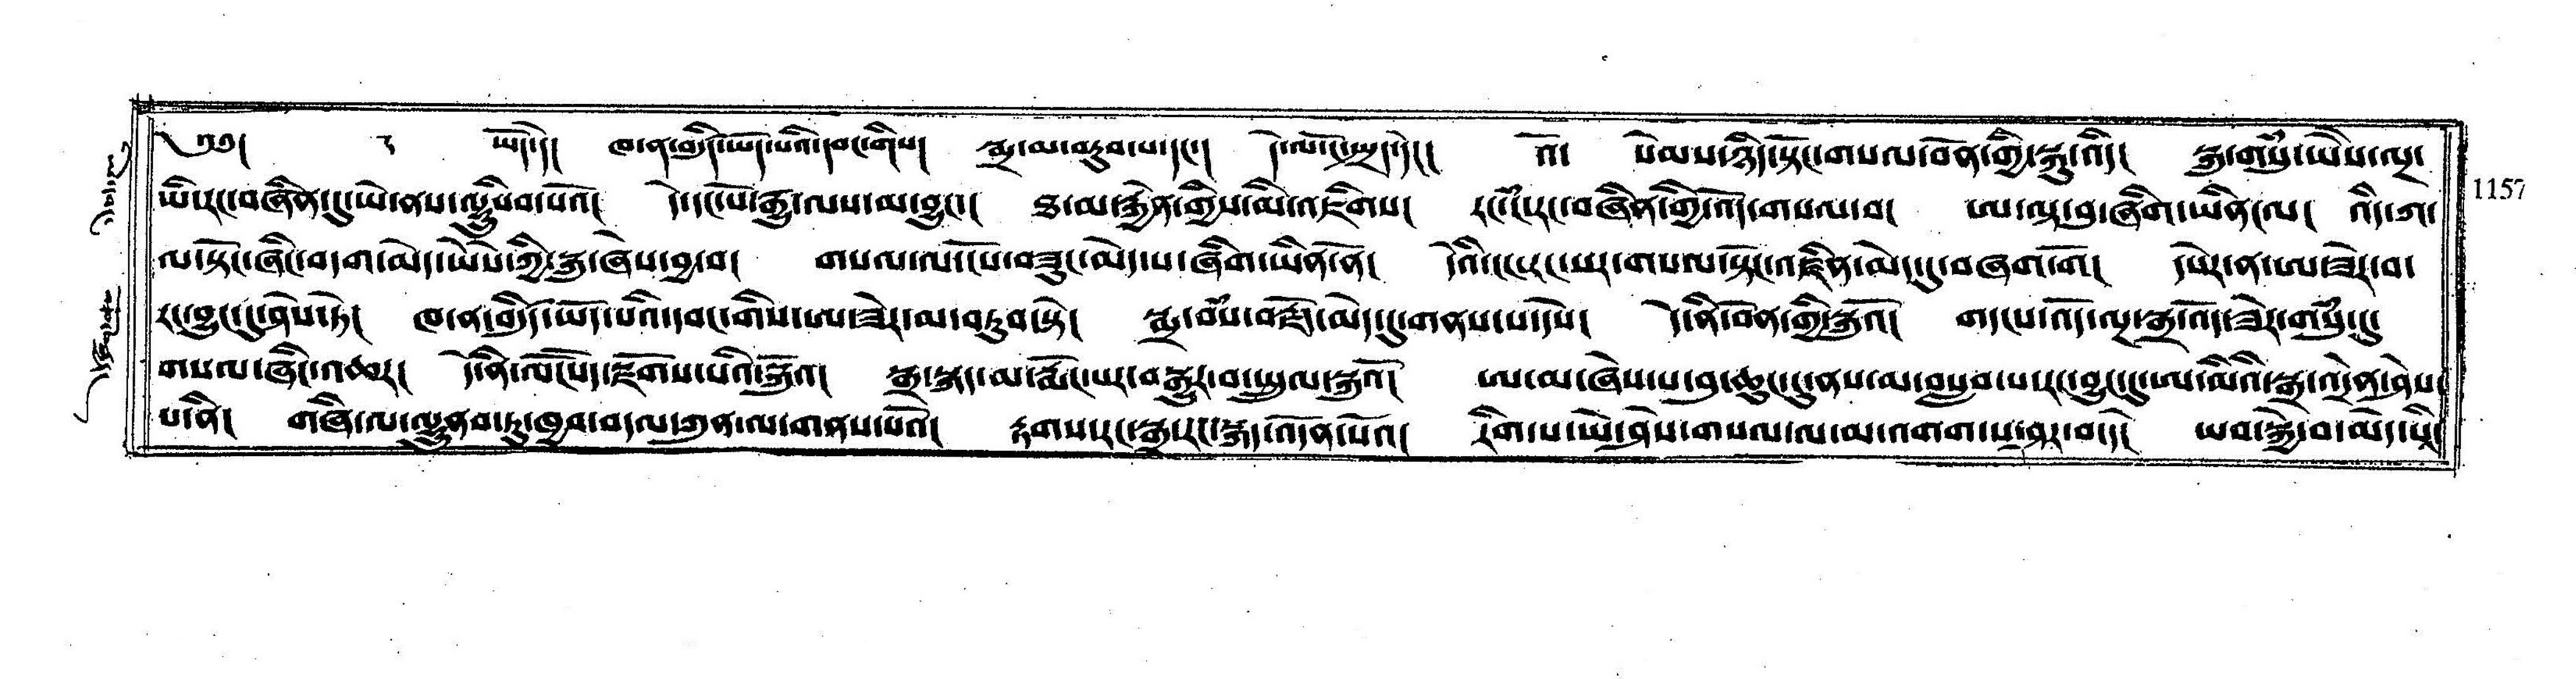ཡོད་དེ། ཁ་ན་བདུད་རྩི་ཡོད་པའི་དབང་གིས། སྨྲ་མ་བཏུབ་པ་དང་། དེ་ལ་ངོ་སྤྲད་དེ།། །འོ་སེམས་ཉིད་སྟོང་གསལ་བོན་གྱི་སྐུ་འདི། སྐུ་གསུམ་ཡེ་ཤེས་ལྔ་
ཡི་རང་བཞིན་དུ་ཡེ་ནས་ལྷུན་གྱིས་གྲུབ་པའོ། དེ་དང་པོ་རྒྱུ་ལས་མ་བྱུང་། ཐ་མ་རྐྱེན་གྱིས་མི་འཇིགས། རང་ངམ་རང་བཞིན་གྱི་འོད་གསལ་བ། ཨ་ལྟ་བུ་ཞིག་ཡིན་ལ། འདི་ཀ་
ལ་སྟོང་ཞིང་བདག་མེད་ཡེ་ཤེས་ཀྱི་སྐུ་ཞེས་བྱ་བ། གསལ་ལ་ངོས་བཟུང་མེད་པ་ཞིག་ཡིན་ནོ། དེའི་ངང་རང་སར་གསལ་སྟོང་འཛིན་མེད་དུ་བཞག་གོ དཔེར་ན་ཨ་ཟེར་བ་
རང་བྱུང་དུ་ཤེས་ཏེ། ཁ་ན་བདུད་རྩི་ཡོད་པའི་དབང་གིས་ཨ་ཟེར་མ་བཏུབ་སྟེ། སྨྲ་བསམ་བརྗོད་མེད་དུ་གནས་པ་དེས། དེ་ནི་བོན་གྱི་སྐུའོ། གདངས་འོད་ལྔ་སྒྲ་འོད་ཟེར་གསུམ་དུ་
གསལ་ཞིང་འཆར། དེ་ནི་ལོངས་སྤྱོད་རྫོགས་པའི་སྐུའོ། སྒྲ་སྐད་མ་རྨོང་པར་བསྒྱུར་བ་སྤྲུལ་སྐུའོ། ཨ་མ་ཞེས་པ་བུ་ཆུང་ངུ་ནས་མ་བསླབ་པ་རང་བྱུང་དུ་ཨ་ལིའི་སྒྲ་འདྲེན་ཤེས་
པ་ནི། གཞི་ལ་ལྷུན་གྲུབ་ཏུ་ཁྱབ་བདལ་ཀུན་ལ་གནས་པའོ། རྟགས་རང་སྒྲ་རང་སྐད་འདོན་པའོ། རིག་པ་ཡེ་ཤེས་གསལ་ལ་མ་འགག་པ་ཤར་བ་དེ། ཡབ་སྐྱེ་བ་མེད་པའི་